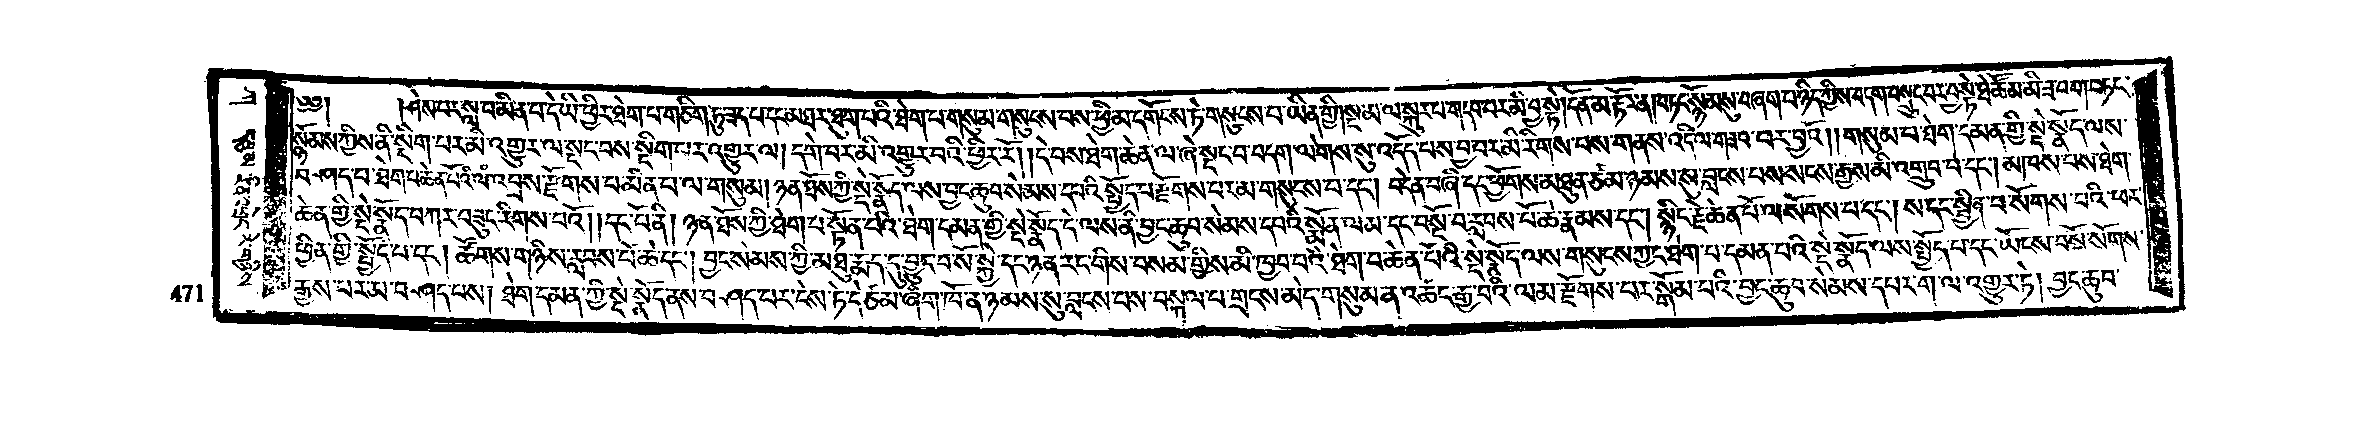༄༅། །ཤེས་པར་སླ་བ་མིན་པ་དེ་ཡི་ཕྱིར་ཐེག་པ་གཅིག་ཏུ་ཟད་པ་དང་མཐར་ཐུག་པའི་ཐེག་པ་གསུམ་གསུངས་པས་ཕྱི་མ་དགོངས་ཏེ་གསུངས་པ་ཡིན་གྱི། སྔ་མ་ལ་སྐུར་བ་གདབ་པར་མི་བྱ་སྟེ། དོན་མ་རྟོག་ན། བཏང་སྙོམས་སུ་བཞག་པ་ཉིད་ཀྱིས་བདག་བསྲུང་བར་བྱ་སྟེ་ཐེ་ཚོམ་མི་ཟ་བག་བཏང་
སྙོམས་ཀྱིས་ནི་སྡིག་པར་མི་འགྱུར་ལ་སྡང་བས་སྡིག་པར་འགྱུར་ལ། དགེ་བར་མི་འགྱུར་བའི་ཕྱིར་རོ། །དེ་བས་ཐེག་ཆེན་ལ་ཞེ་སྡང་བ་བདག་ལེགས་སུ་འདོད་པས་བྱ་བར་མི་རིགས་པས་གནས་འདི་ལ་གཟའ་བར་བྱའོ། །གསུམ་པ་ཐེག་དམན་གྱི་སྡེ་སྣོད་ལས་
བཤད་པ་ཐེག་པ་ཆེན་པོའི་ལམ་འབྲས་རྫོགས་པ་མིན་པ་ལ་གསུམ། ཉན་ཐོས་ཀྱི་སྡེ་སྣོད་ལས་བྱང་ཆུབ་སེམས་དཔའི་སྤྱོད་པ་རྫོགས་པར་མ་གསུངས་པ་དང་། བདེན་བཞི་དང་ཕྱོགས་མཐུན་ཙམ་ཉམས་སུ་བླངས་པས་སངས་རྒྱས་མི་འགྲུབ་པ་དང་། མཁས་པས་ཐེག་
ཆེན་གྱི་སྡེ་སྣོད་བཀར་བཟུང་རིགས་པའོ། །དང་པོ་ནི། ཉན་ཐོས་ཀྱི་ཐེག་པ་སྟོན་པའི་ཐེག་དམན་གྱི་སྡེ་སྣོད་དེ་ལས་ནི་བྱང་ཆུབ་སེམས་དཔའི་སྨོན་ལམ་དང་བསྔོ་བ་རླབས་པོ་ཆེ་རྣམས་དང་། སྙིང་རྗེ་ཆེན་པོ་ལ་སོགས་པ་དང་། ས་དང་སྦྱིན་པ་སོགས་པའི་ཕར་
ཕྱིན་གྱི་སྤྱོད་པ་དང་། ཚོགས་གཉིས་རླབས་པོ་ཆེ་དང་། བྱང་སེམས་ཀྱི་མཐུ་རྨད་དུ་བྱུང་བ་སོ་སྐྱེ་དང་ཉན་རང་གིས་བསམ་གྱིས་མི་ཁྱབ་པའི་ཐེག་པ་ཆེན་པོའི་སྡེ་སྣོད་ལས་གསུངས་ཀྱང་ཐེག་པ་དམན་པའི་སྡེ་སྣོད་ལས་སྤྱོད་པ་དང་ཡོངས་བསྲོ?་སོགས་
རྒྱས་པར་མ་བཤད་པས། ཐེག་དམན་ཀྱི་སྡེ་སྣོད་ནས་བཤད་པར་ངེས་ཏེ་དེ་ཙམ་ཞིག་ཁོ་ན་ཉམས་སུ་བླངས་པས་བསྐལ་པ་གྲངས་མེད་གསུམ་ན་འཚང་རྒྱ་བའི་ལམ་རྫོགས་པར་སྒོམ་པའི་བྱང་ཆུབ་སེམས་དཔར་ག་ལ་འགྱུར་ཏེ། བྱང་ཆུབ་